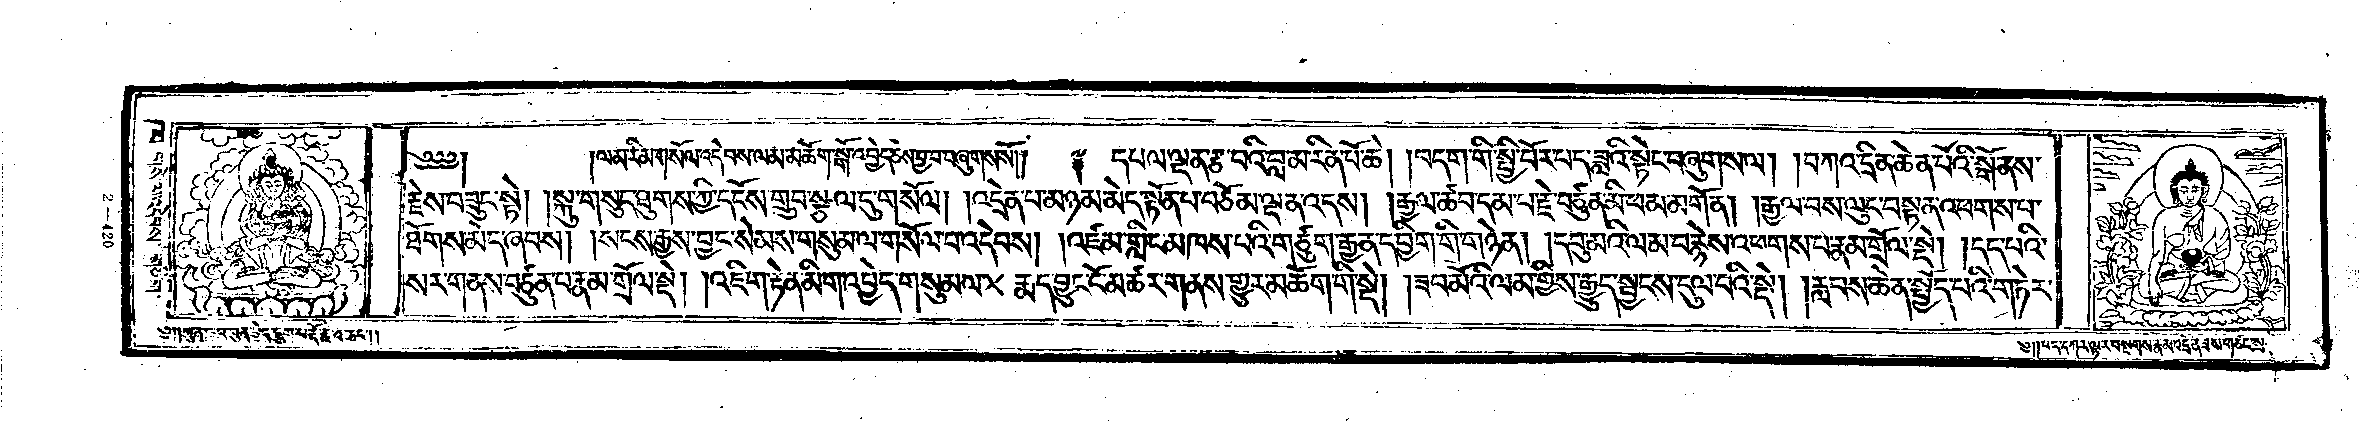༄༅༅། །ལམ་རིམ་གསོལ་འདེབས་ལམ་མཆོག་སྒོ་འབྱེད་ཅེས་བྱ་བ་བཞུགས་སོ།། ༈ དཔལ་ལྡན་རྩ་བའི་བླ་མ་རིན་པོ་ཆེ། །བདག་གི་སྤྱི་བོར་པད་ཟླའི་སྟེང་བཞུགས་ལ། །བཀའ་དྲིན་ཆེན་པོའི་སྒོ་ནས་
རྗེས་བཟུང་སྟེ། །སྐུ་གསུང་ཐུགས་ཀྱི་དངོས་གྲུབ་སྩལ་དུ་གསོལ། །འདྲེན་པ་མཉམ་མེད་སྟོན་པ་བཅོམ་ལྡན་འདས། །རྒྱལ་ཚབ་དམ་པ་རྗེ་བཙུན་མི་ཕམ་མགོན། །རྒྱལ་བས་ལུང་བསྟན་འཕགས་པ་
ཐོགས་མེད་ཞབས། །སངས་རྒྱས་བྱང་སེམས་གསུམ་ལ་གསོལ་བ་འདེབས། །འཛམ་གླིང་མཁས་པའི་གཙུག་རྒྱན་དབྱིག་གི་གཉེན། །དབུ་མའི་ལམ་བརྙེས་འཕགས་པ་རྣམ་གྲོལ་སྡེ། །དད་པའི་
སར་གནས་བཙུན་པ་རྣམ་གྲོལ་སྡེ། །འཇིག་རྟེན་མིག་འབྱེད་གསུམ་ལ་རྨད་བྱུང་ངོ་མཚར་གནས་གྱུར་མཆོག་གི་སྡེ། །ཟབ་མོའི་ལམ་གྱིས་རྒྱུད་སྦྱངས་དུལ་བའི་སྡེ། །རླབས་ཆེན་སྤྱོད་པའི་གཏེ་